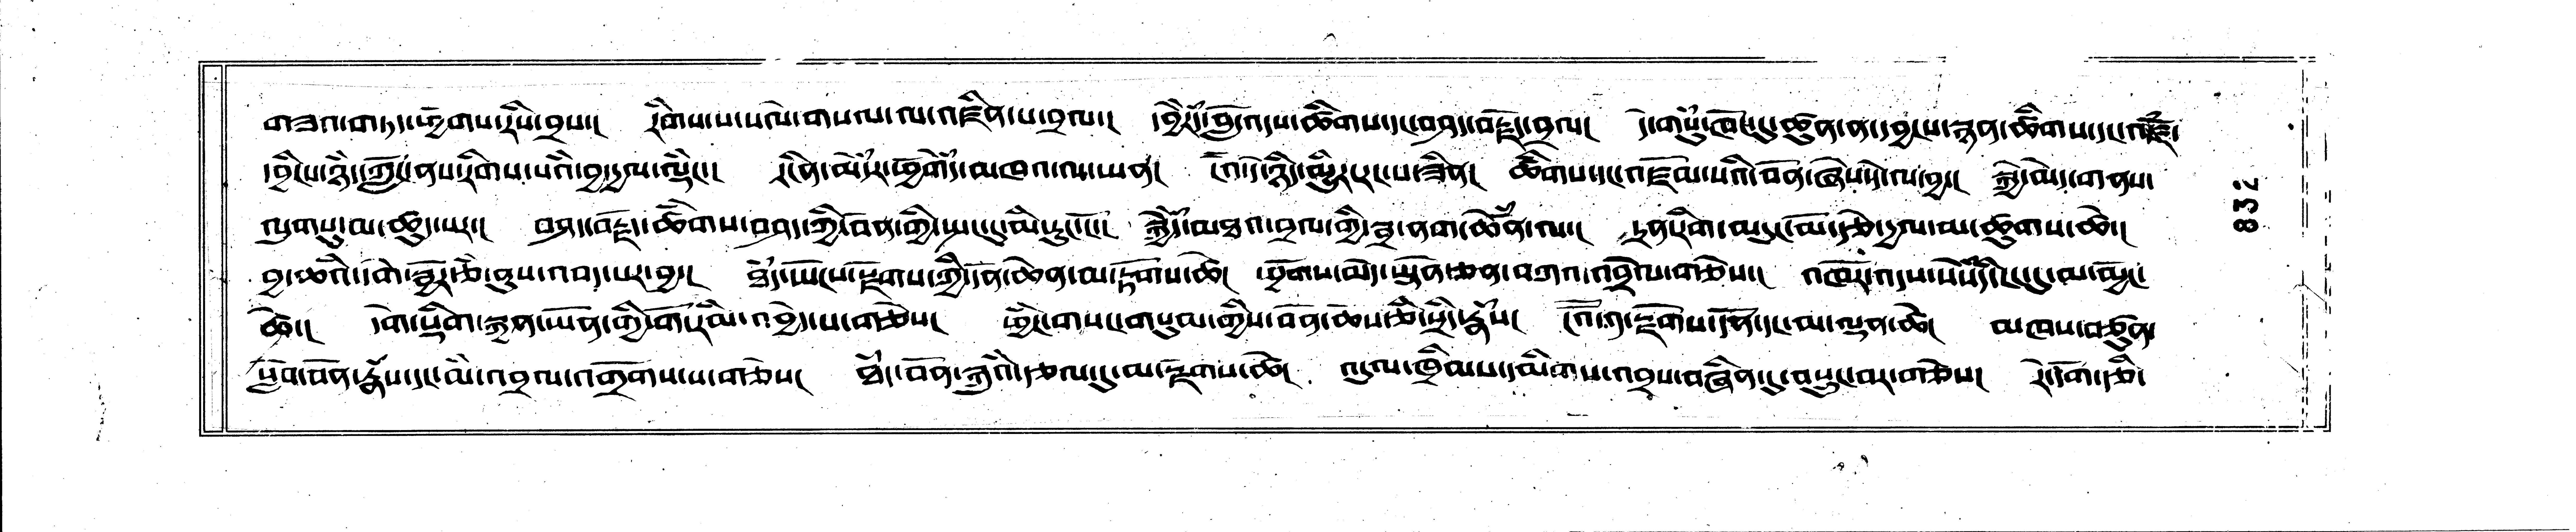གཟའ་གཏད་ཕྱོགས་རིས་བྲལ། །རིག་པ་སལེ་གསལ་ལ་འཛིན་པ་བྲལ། །དབྱེར་མེད་བློ་འདས་ཚིག་དང་བཤད་བརྗོད་བྲལ། །དེ་གསུམ་ཁོང་དུ་ཚུད་ན་དབྱངས་སྙན་ཚིག་དང་འཛོམས། 
།དབྱིངས་ཉིད་ཀློང་ནས་རིག་པའི་བྱ་རྒྱལ་ལྡིང་། །རང་བཞིན་མེད་པར་ཕྱོགས་མེད་མཁའ་ལ་ཡན། །ངོའོ་དེ་ཉིད་མི་འགྱུར་རང་ས་ཟིན། །ཚིག་དང་འཛོམས་པའི་བོན་ཞེས་དེ་ལ་བྱ། །སྐྱེ་མེད་གནས་
ལུགས་སུ་མ་ཚུད་པར། བཤད་བརྗོད་ཚིག་བཤད་ཀྱི་བོན་གྱི་སྤང་དུ་མི་རུང་ངོ་། །སྐྱེ་མེད་མཐའ་བྲལ་གྱི་སྦྲ་ནག་ཆེན་མོ་ལ། དྲན་རིག་མདུང་མོ་རྩེ་རྒྱལ་མ་ཚུགས་ཚེ། 
བྱ་ཆའི་དགེ་སྦྱོར་ཅི་ནུས་འབད་པར་བྱ། ཐམས་ཅད་ཡོངས་རྫོགས་ཀྱི་དོན་ཆེན་མ་རྟོགས་ཚེ། ཕྱོགས་མེད་ཡོན་ཏན་ཅན་བཀའ་འབྲེལ་གཅེས། འཁོར་འདས་སེམས་ཉིད་ངང་དུ་མ་མྱོང་
ཚེ། དགེ་སྡིག་སྐྱོན་ཡོན་གྱི་གོ་རིམ་འབྱེད་པར་གཅེས། ཕྱི་ནང་གསང་གསུམ་གྱི་བོན་ཆོས་ཅི་སྲིད་རྣམས། ངོའོ་གཅིག་རྫོགས་དོན་དང་མ་ལྡན་ཚེ། མཁས་བཙུན་
སློབ་བོན་རྣམས་དང་མི་འབྲལ་འགྲོགས་པར་གཅེས། ཐམས་ཅད་བོན་སྐུའི་རྩལ་དུ་མ་རྫོགས་ཚེ། འདུལ་ཁྲིམས་མིག་འབྲས་བཞིན་དུ་བསྲུང་བར་གཅེས། རེ་དོགས་རྩིས་